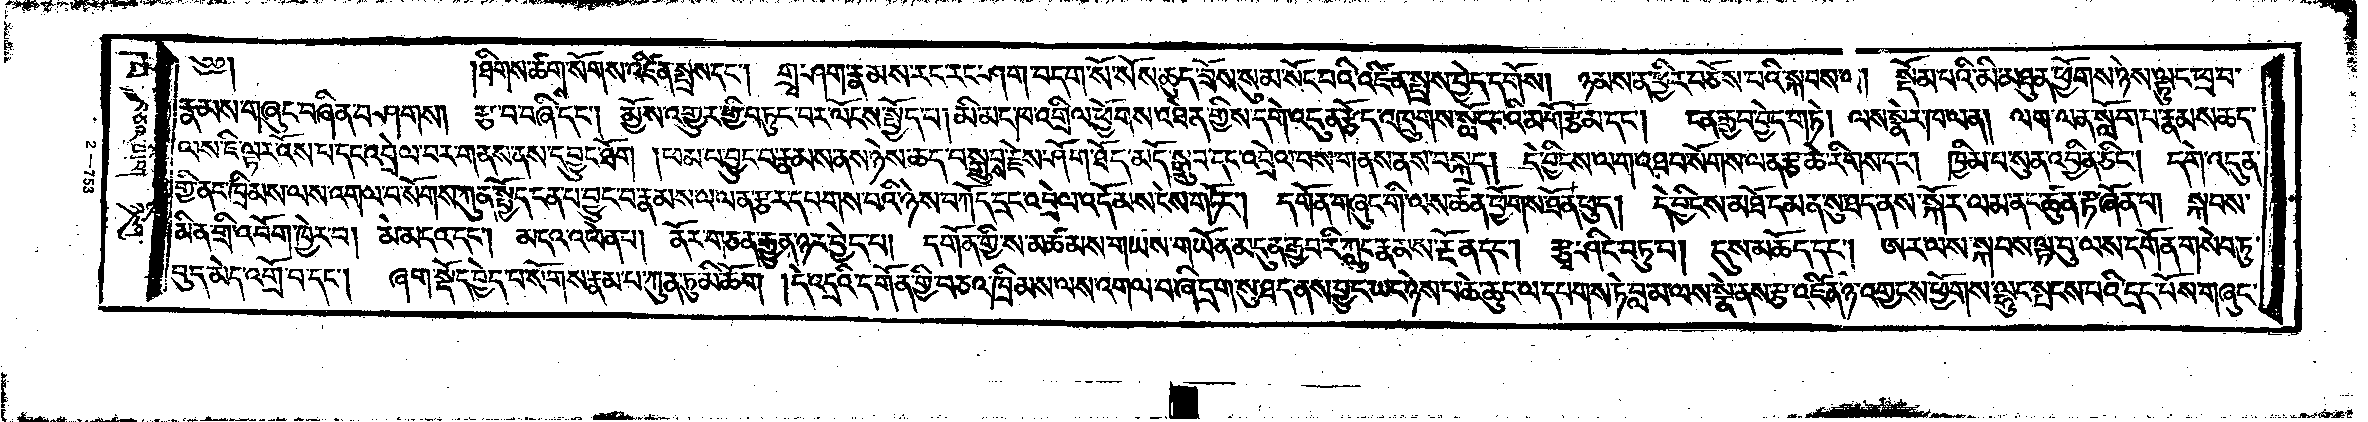༄༅། །ཐིགས་ཚགས་སོགས་འཛིན་སྤྲས་དང་། གྲྭ་ཤག་རྣམས་རང་རང་ཤག་བདག་སོ་སོས་ཆུད་ཟོས་སུ་མ་སོང་བའི་འཛིན་སྤྲས་བྱེད་དགོས། ཉམས་ན་ཕྱིར་བཅོས་པའི་སྐབས་ལ། སྡོམ་པའི་མི་མཐུན་ཕྱོགས་ཉེས་ལྟུང་ཕྲ་བ་
རྣམས་གཞུང་བཞིན་བཤགས། རྩ་བ་བཞི་དང་། མྱོས་འགྱུར་ཕྱི་བཏུང་བར་ལོངས་སྤྱོད་པ། མི་མང་ཁ་འགྲིལ་ཕྱོགས་འཐེན་གྱིས་དགེ་འདུན་རྩོད་འཁྲུགས་སློང་བའི་མགོ་རྩོམ་དང་། ངན་རྒྱབ་བྱེད་གཏེ། ལས་སྣེར་ཁ་ལན། ལག་ལན་སློག་པ་རྣམས་ཆད་
ལས་ཇི་ལྟར་འོས་པ་དང་འབྲེལ་བར་གནས་ནས་དབྱུང་ཐོག །ཕམ་པ་བྱུང་བ་རྣམས་ནས་ཉེས་ཆད་བསྒྲུབས་རྗེས་ཤོག་ཐོད་མདོ་སྒྲུབ་དང་འབྲེལ་བས་གནས་ནས་བསྐྲད། དེ་བྱིངས་ལག་འཐབ་སོགས་ལན་རྩ་ཆེ་རིགས་དང་། ཁྱིམ་པ་སུན་འབྱིན་ཅིང་། དགེ་འདུན་
གྱི་ནང་ཁྲིམས་ལས་འགལ་བ་སོགས་ཀུན་སྤྱོད་ངན་པ་བྱུང་བ་རྣམས་ལ་ལན་རྩར་དཔགས་པའི་ཉེས་བཀོད་དྲང་འབྲེལ་འདོམས་ངེས་གཏོང་། དགོན་གཞུང་གི་ལས་ཚན་ཕྱོགས་ཐོན་ཕུད། དེ་བྱིངས་མཐོ་དམན་སུ་ཐད་ནས་སྐོར་ལམ་ནང་ཚུན་རྟ་ཞོན་པ། སྐབས་
མིན་གྲི་འབོག་ཁྱེར་བ། མེ་མངའ་དང་། མངའ་འཕེན་པ། ནོར་གཅན་རྒྱུན་ཉར་བྱེད་པ། དགོན་གྱི་ས་མཚམས་གཡས་གཡོན་མདུན་རྒྱབ་རི་ཀླུང་རྣམས་རྔོན་དང་། རྩྭ་ཤིང་བཏུབ། དུས་མཆོད་དང་། ཨར་ལས་སྐབས་ལྟ་བུ་ལས་དགོན་གསེབ་ཏུ་
བུད་མེད་འགྲོ་བ་དང་། ཞག་སྡོད་བྱེད་བ་སོགས་རྣམ་པ་ཀུན་ཏུ་མི་ཆོག །དེ་འདྲའི་དགོན་གྱི་བཅའ་ཁྲིམས་ལས་འགལ་བ་ཞི་དྲག་སུ་ཐད་ནས་བྱུང་ཡང་ཉེས་པ་ཆེ་ཆུང་ལ་དཔགས་ཏེ་བླ་མ་ལས་སྣེ་ནས་རྩ་འཛིན་ཉེ་འགྱངས་ཕྱོགས་ལྷུང་སྤངས་པའི་དྲང་པོས་གཞུང་